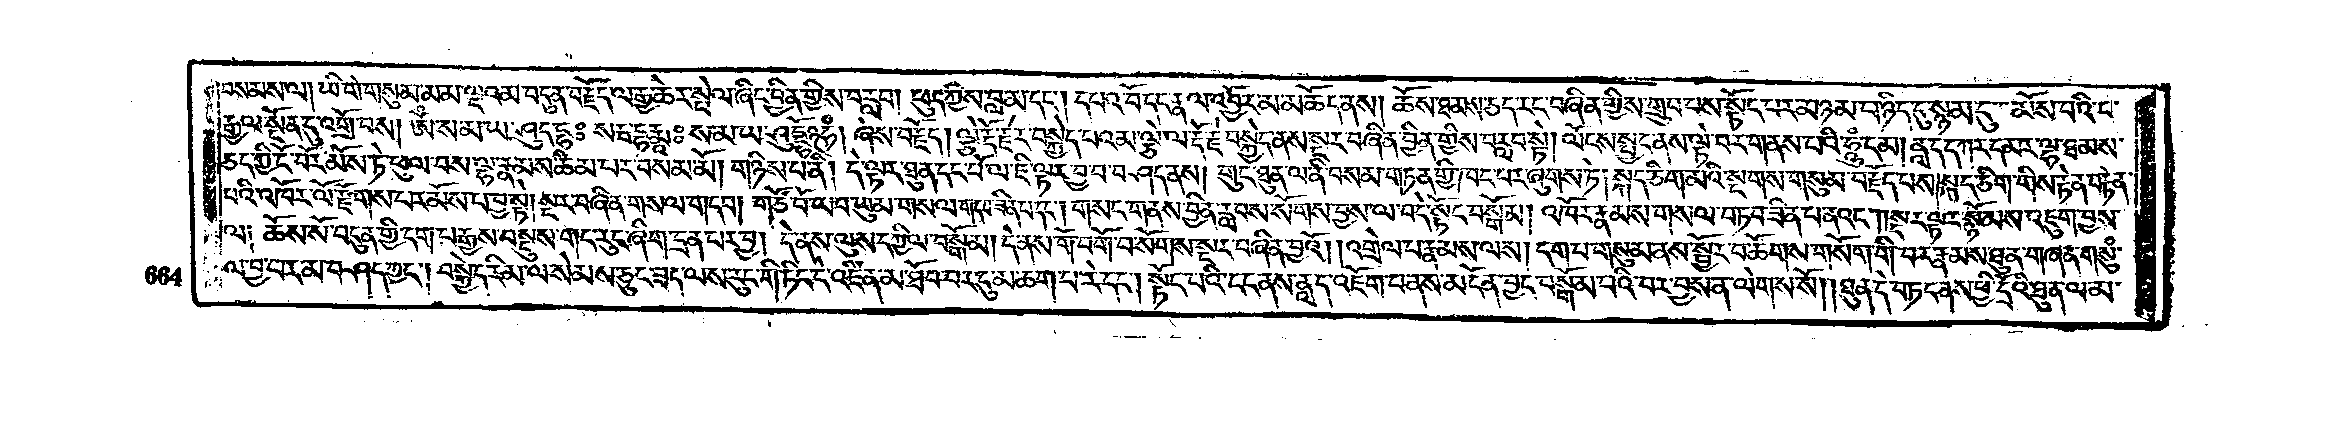བསམས་ལ། ཡི་གེ་གསུམ་མམ་ལྔའམ་བདུན་བརྗོད་ལ་རྒྱ་ཆེར་སྤེལ་ཞིང་བྱིན་གྱིས་བརླབ། ཕུད་ཀྱིས་བླ་མ་དང་། དཔའ་བོ་དང་རྣལ་འབྱོར་མ་མཆོད་ནས། ཆོས་ཐམས་ཅད་རང་བཞིན་གྱིས་གྲུབ་པས་སྟོང་པར་མཉམ་པ་ཉིད་དུ་སྙམ་དུ་མོས་པའི་ང་
རྒྱལ་སྔོན་དུ་འགྲོ་བས། ཨོཾ་ས་མ་ཡ་ཤུད་དྷཿ སརྦ་དྷརྨཱཿ ས་མ་ཡ་ཤུདྡྷོཉྷཾ། ཞེས་བརྗོད། ལྕེ་རྡོ་རྗེར་བསྐྱེད་པའམ་ལྕེ་ལ་རྡོ་རྗེ་བསྐྱེད་ནས་སྔར་བཞིན་བྱིན་གྱིས་བརླབ་སྟེ། ལོངས་སྤྱང་ནས་ལྟེ་བར་གནས་པའི་ཧཱུཾ་ངམ། ནཱ་ད་དཀར་དམར་ལྷ་ཐམས་
ཅད་ཀྱི་ངོ་བོར་མོས་ཏེ་ཕུལ་བས་ལྷ་རྣམས་ཚིམ་པར་བསམ་མོ། གཉིས་པ་ནི། དེ་ལྟར་ཐུན་དང་པོ་ལ་ཇི་ལྟར་བྱ་བ་བཤད་ནས། གུང་ཐུན་ལ་ནི་བསམ་གཏན་གྱི་ཁང་པར་ཞུགས་ཏེ། སྐད་ཅིག་མའི་སྔགས་གསུམ་བརྗོད་པས། སྐད་ཅིག་གིས་རྟེན་བརྟེན་
པའི་འཁོར་ལོ་རྫོགས་པར་མོས་པ་བྱ་སྟེ། སྔར་བཞིན་གསལ་གདབ། གཙོ་བོ་ཡབ་ཡུམ་གསལ་གདབ་ཟིན་པ་དང་། གསང་གནས་བྱིན་རླབས་སོགས་བྱས་ལ་བདེ་སྟོང་བསྒོམ། འཁོར་རྣམས་གསལ་བཏབ་ཟིན་པ་ནའང་། །སྔར་ལྟར་སྙོམས་འཇུག་བྱས་
ལ། ཆོས་སོ་བདུན་གྱི་དག་པ་རྒྱས་བསྡུས་གང་རུང་ཞིག་དྲན་པར་བྱ། དེ་ནས་ལུས་དཀྱིལ་བསྒོམ། དེ་ནས་གོ་བགོ་བ་སོགས་སྔར་བཞིན་བྱའོ། །འགྲེལ་པ་རྣམས་ལས། དག་པ་གསུམ་ནས་སྦྱོར་བ་ཚོགས་གསོག་གི་བར་རྣམས་ཐུན་གཞན་གསུམ་
ལ་བྱ་བར་མ་བཤད་ཀྱང་། བསྐྱེད་རིམ་ལ་སེམས་ཅུང་ཟད་ལས་རུང་གི་ཏིང་ངེ་འཛིན་མ་ཐོབ་པར་དུ་མ་ཆག་པ་རེ་དང་། སྟོང་པའི་ངང་ནས་ནཱ་ད་འཇོག་པ་ནས་མངོན་བྱང་བསྒོམ་པའི་བར་བྱས་ན་ལེགས་སོ། །ཐུན་དེ་བཏང་ནས་ཕྱི་དྲོའི་ཐུན་ལ་མ་